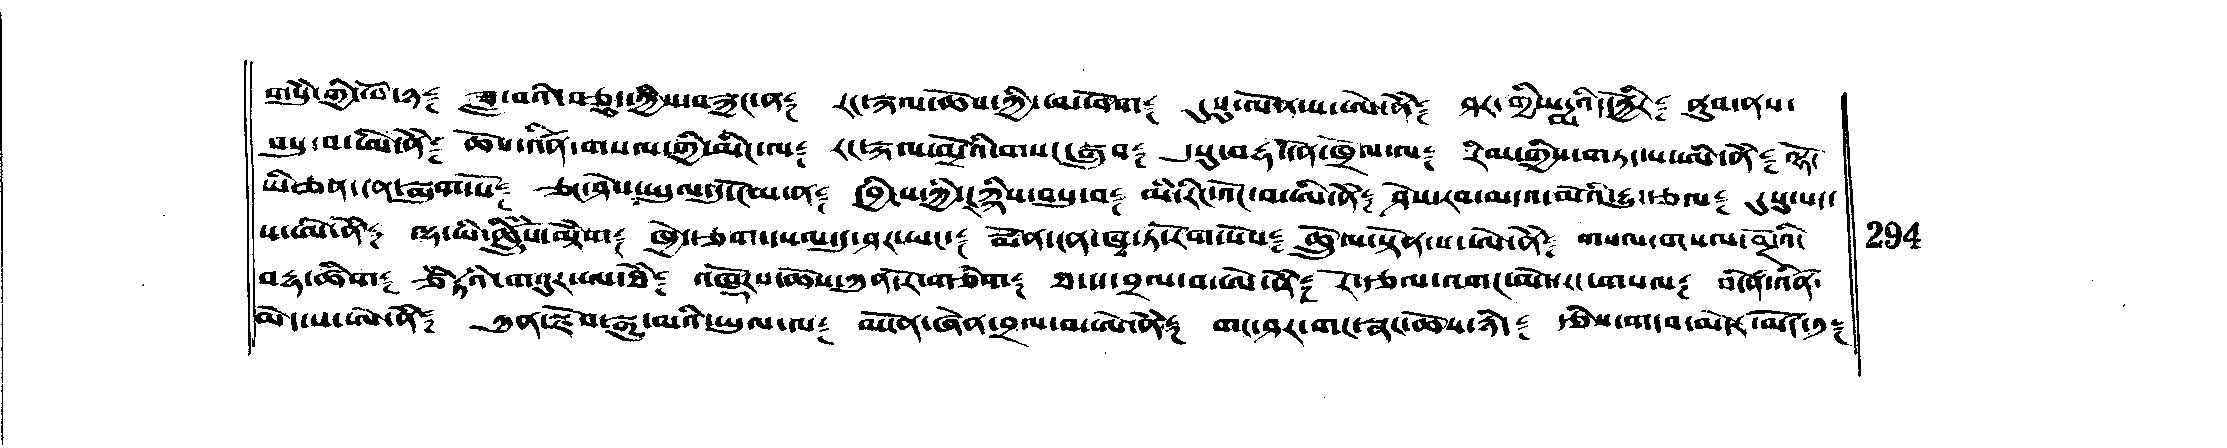གསུམ་གྱི་ཕོ་ཉ། །ཟླ་བའི་བཅུད་ཀྱིས་བསྐྱང་ན། །རང་སྐལ་ཆོས་ཀྱི་ཕ་ཕོག །དུས་སུ་ལོན་པ་ཨེ་ནམ། །ཤར་གྱི་པདྨའི་དཀྱིལ་འཁོར། །ནུབ་ནས་
བསུ་བ་ཨི་ནམ། །ཆོས་འཛིན་གསལ་གྱི་མིང་ལ། །རང་སྐལ་མཁའ་འགྲོའི་གསང་སྒྲུབ། །དུས་སུ་བརྡ་དོན་ཁྲོལ་ལ། །རིམ་གྱིས་གཏད་པ་ཨི་ནམ། །ལྷོ་
ཡི་ཙན་དན་སྨུག་པོ། །ཅང་ཤེས་ཡུལ་དུ་ངོམ་ན། །དབྱིངས་ཀྱི་ཌཱཀྐིས་བསུ་བ། །མི་རིང་འོང་བ་ཨི་ནམ། །ཤེས་རབ་མདའ་མོའི་རྒྱུ་རྩལ། །དུས་སུ་སད་
པ་ཨི་ནམ། །ལྷ་ཡི་ཚུལ་ཁྲིམས་མེ་ཏོག ཁྱེད་ཅག་དཔལ་དུ་ཤར་ཡང་། །སྨོན་ངན་ཁྭ་ཏ་རོག་པོས། །ཆོ་འཕྲུལ་སྟོན་པ་ཨེ་ནམ། །གསལ་གསལ་མཁའ་འགྲོའི་
བརྡ་ཚིག །ཙིཏྟའི་ག་འུར་ཨ་ཐམ། །འཁོར་འདས་ཆོས་ཀུན་རོ་གཅིག །ཐ་དད་བྲལ་བ་ཨེ་ནམ། །རོ་རྩལ་འགགས་མེད་རང་གསལ། །བདེན་འཛིན་
མེད་པ་ཨེ་ནམ། །ཀུན་རྫོབ་སྒྱུ་མའི་ཡུལ་ལ། །མངོན་ཞེན་བྲལ་བ་ཨེ་ནམ། །གང་ཤར་གང་སྣང་ཆོས་ཉིད། །རྩིས་གདབ་མེད་པར་མཛོད།